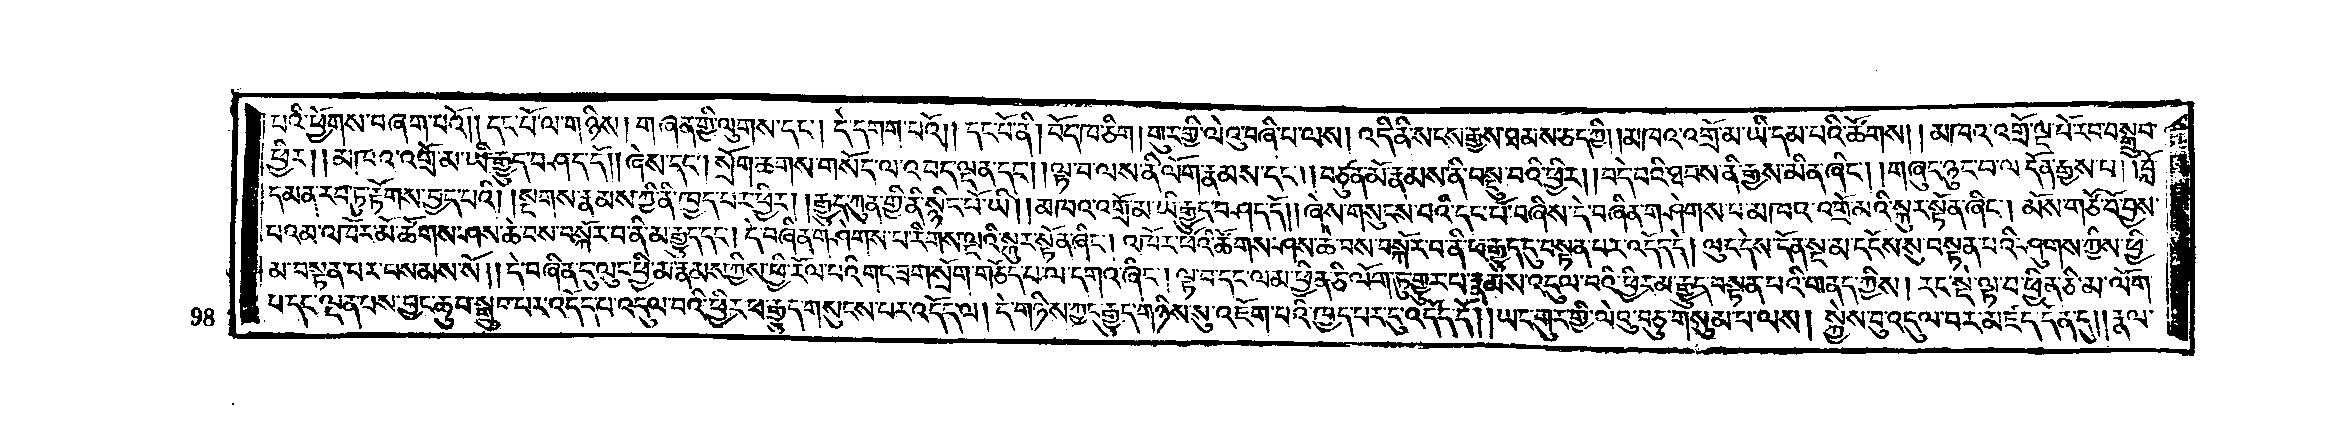པའི་ཕྱོགས་བཞག་པའོ། །དང་པོ་ལ་གཉིས། གཞན་གྱི་ལུགས་དང་། དེ་དགག་པའོ། །དང་པོ་ནི། བོད་ཁ་ཅིག །གུར་གྱི་ལེའུ་བཞི་པ་ལས། འདི་ནི་སངས་རྒྱས་ཐམས་ཅད་ཀྱི། །མཁའ་འགྲོ་མ་ཡི་དམ་པའི་ཚོགས། །མཁའ་འགྲོ་ལྔ་པོ་རབ་བསྒྲུབ་
ཕྱིར། །མཁའ་འགྲོ་མ་ཡི་རྒྱུད་བཤད་དོ། །ཞེས་དང་། སྲོག་ཆགས་གསོད་ལ་འབད་ལྡན་དང་། །ལྟ་བ་ལས་ནི་ལོག་རྣམས་དང་། །བཙུན་མོ་རྣམས་ནི་བསྡུ་བའི་ཕྱིར། །བདེ་བའི་ཐབས་ནི་རྒྱས་མིན་ཞིང་། །གཞུང་ཉུང་བ་ལ་དོན་རྒྱས་པ། །བློ་
དམན་རབ་ཏུ་རྟོགས་བྱེད་པའི། །སྔགས་རྣམས་ཀྱི་ནི་ཁྱད་པར་ཕྱིར། །རྒྱུད་ཀུན་གྱི་ནི་སྙིང་པོ་ཡི། །མཁའ་འགྲོ་མ་ཡི་རྒྱུད་བཤད་དོ། །ཞེས་གསུངས་པའི་དང་པོ་བཞིས་དེ་བཞིན་གཤེགས་པ་མཁའ་འགྲོ་མའི་སྐུར་སྟོན་ཞིང་། མོས་གཙོ་བོ་བྱས་
པའམ་འཁོར་མོ་ཚོགས་ཤས་ཆེ་བས་བསྐོར་བ་ནི་མ་རྒྱུད་དང་། དེ་བཞིན་གཤེགས་པ་རིགས་ལྔའི་སྐུར་སྟོན་ཞིང་། འཁོར་ཕོའི་ཚོགས་ཤས་ཆེ་བས་བསྐོར་བ་ནི་ཕ་རྒྱུད་དུ་བསྟན་པར་འདོད་དེ། ལུང་དེས་དོན་སྔ་མ་དངོས་སུ་བསྟན་པའི་ཤུགས་ཀྱིས་ཕྱི་
མ་བསྟན་པར་བསམས་སོ། །དེ་བཞིན་དུ་ལུང་ཕྱི་མ་རྣམས་ཀྱིས་ཕྱི་རོལ་པའི་གང་ཟག་སྲོག་གཅོད་པ་ལ་དགའ་ཞིང་། ལྟ་བ་དང་ལམ་ཕྱིན་ཅི་ལོག་ཏུ་གྱུར་པ་རྣམས་འདུལ་བའི་ཕྱིར་མ་རྒྱུད་བསྟན་པའི་གནད་ཀྱིས། རང་སྡེ་ལྟ་བ་ཕྱིན་ཅི་མ་ལོག་
པ་དང་ལྡན་པས་བྱང་ཆུབ་སྒྲུབ་པར་འདོད་པ་འདུལ་བའི་ཕྱིར་ཕ་རྒྱུད་གསུངས་པར་འདོད་ལ། དེ་གཉིས་ཀྱང་རྒྱུད་གཉིས་སུ་འཇོག་པའི་ཁྱད་པར་དུ་འདོད་དོ། །ཡང་གུར་གྱི་ལེའུ་བཅུ་གསུམ་པ་ལས། སྐྱེས་བུ་འདུལ་བར་མཛད་དོན་དུ། །རྣལ་